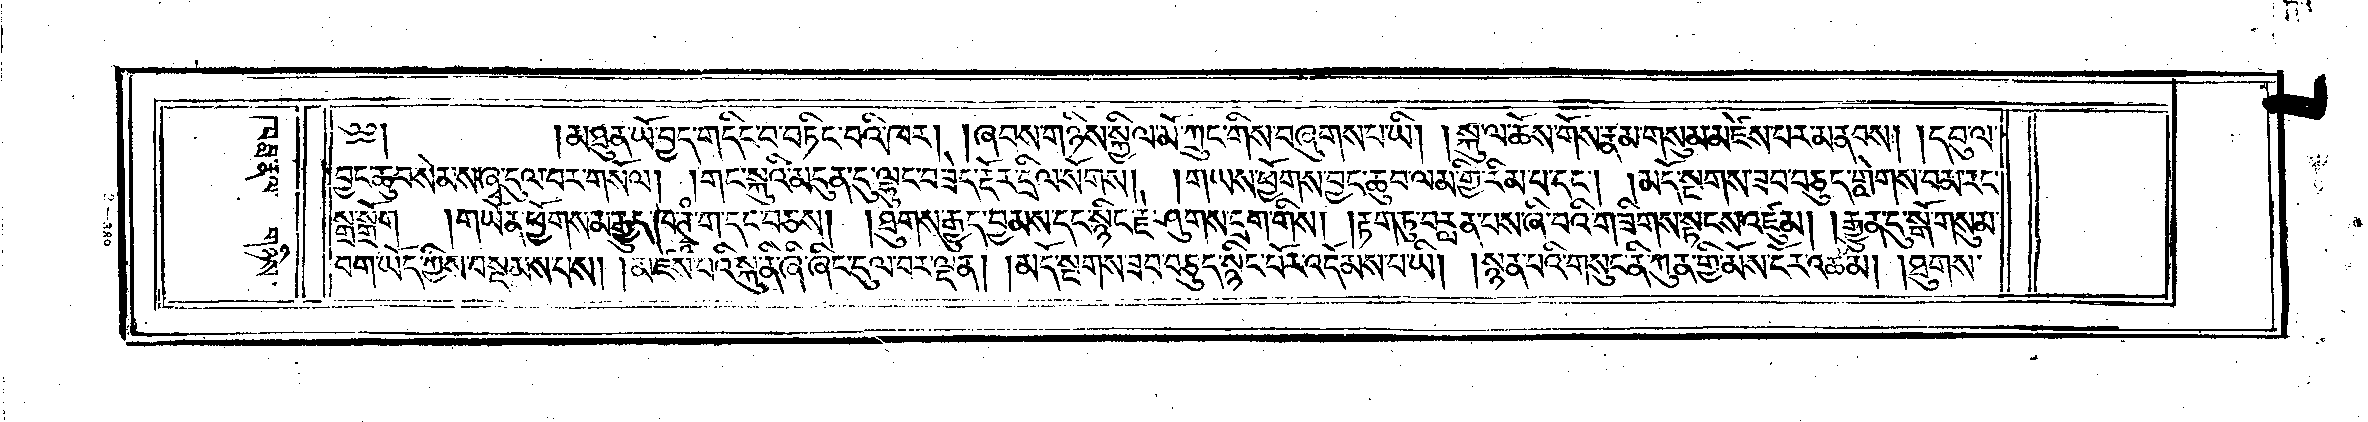༄༅། །མཐུན་ཡོ་བྱད་གདིང་བ་བཏིང་བའི་ཁར། །ཞབས་གཉིས་སྐྱིལ་མོ་ཀྲུང་གིས་བཞུགས་པ་ཡི། །སྐུ་ལ་ཆོས་གོས་རྣམ་གསུམ་མཛེས་པར་མན་བས། །དབུ་ལ་
བྱང་ཆུབ་སེམས་ཞྭ་དུལ་བར་གསོལ། །གང་སྐུའི་མདུན་དུ་ལྷུང་བཟེད་རྡོར་དྲིལ་སོགས། །གཡས་ཕྱོགས་བྱང་ཆུབ་ལམ་གྱི་རིམ་པ་དང་། །མདོ་སྔགས་ཟབ་བཅུད་གླེགས་བམ་རང་
སྒྲ་སྒྲོག །གཡོན་ཕྱོགས་མ་རྒྱུད་ཁ་ཊྭཱཾ་ག་དང་བཅས། །ཐུགས་རྒྱུད་བྱམས་དང་སྙིང་རྗེ་ཤུགས་དྲག་གིས། །རྟག་ཏུ་བརླན་པས་ཞི་བའི་གཟིགས་སྟངས་འཛུམ། །རྒྱུན་དུ་སྒོ་གསུམ་
བག་ཡོད་ཀྱིས་བསྡམས་པས། །མཛས་པའི་སྐུ་ནི་ཞི་ཞིང་དུལ་བར་ལྡན། །མདོ་སྔགས་ཟབ་བཅུད་སྙིང་པོར་འདོམས་པ་ཡི། །སྙན་པའི་གསུང་ནི་ཀུན་གྱི་མོས་ངོར་འཚམ། །ཐུགས་